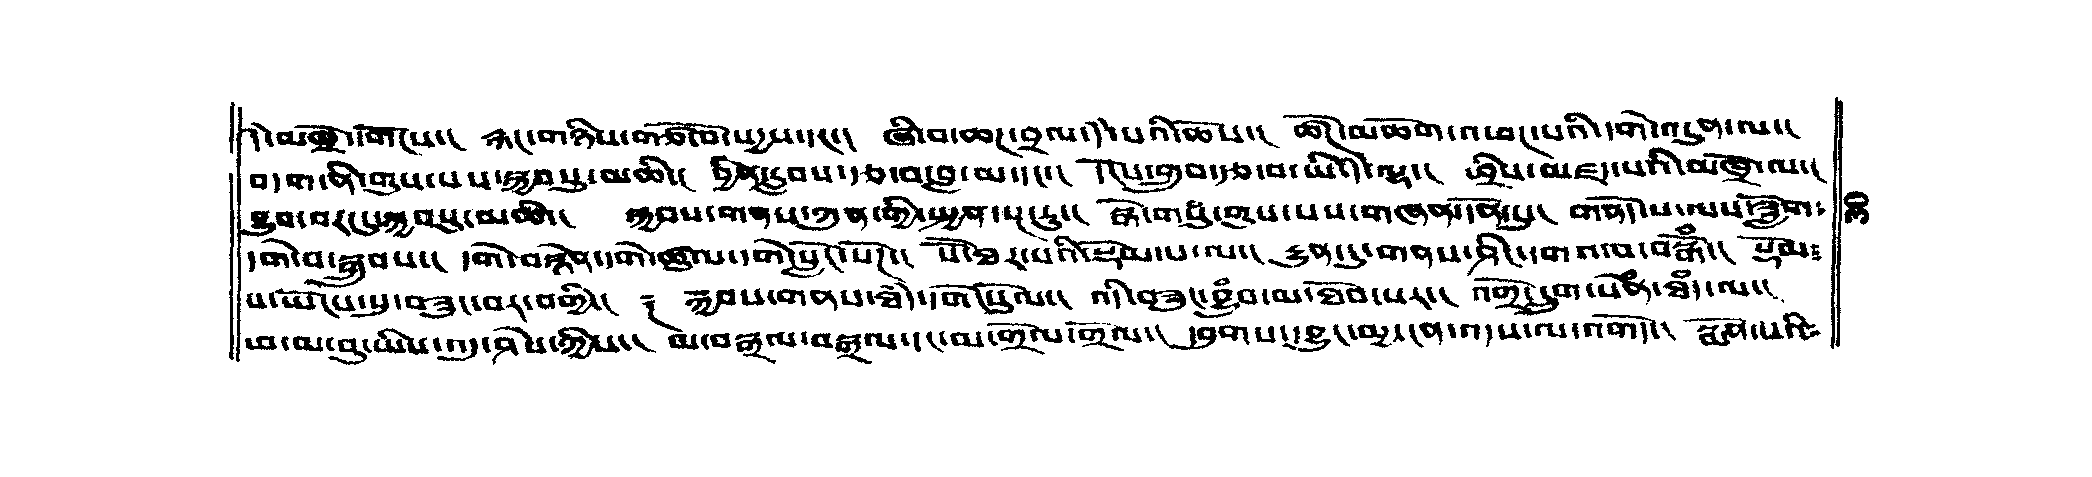དམ་མཁའ་འགྲོ་དགོངས། རྐང་གཉིས་གཙོ་བོ་སངས་རྒྱས་དང་། ཞི་བ་ཆགས་བྲལ་དམ་པའི་ཆོས། ཚོགས་མཆོག་འཕགས་པའི་དགེ་འདུན་ལ། 
བདག་ནི་གསུས་པས་སྐྱབས་སུ་མཆི། བྱིན་རླབས་རྩ་བ་བླ་མ་དང་། དངོས་གྲུབ་རྩ་བ་ཡི་དམ་ལྷ། ཕྲིན་ལས་མཛད་པའི་མཁའ་འགྲོ་ལ། 
བྱང་ཆུབ་བར་དུ་སྐྱབས་སུ་མཆི། སྐྱབས་གནས་ཀུན་གྱི་སྤྱན་སྔ་རུ། སྒོ་གསུམ་གུས་པས་གཞན་དོན་དུ། གནོད་པ་ལས་ཟློག་
དགེ་བ་སྒྲུབས། དགེ་བསྙེན་དགེ་ཚུལ་དགེ་སློང་སོགས། སོ་སོ་ཐར་པའི་སྡོམ་པ་ལ། རྒྱུན་དུ་གནས་ཤིང་དགའ་བ་བསྒོམ། སྡོམ་
པ་ཡོངས་སུ་བཟུང་བར་བགྱི། ༈ སྐྱབས་གནས་ཐམས་ཅད་དགོངས་སུ་གསོལ། འདི་བཟུང་བྱང་ཆུབ་མ་ཐོབ་པར། འགྲོ་དྲུག་སེམས་ཅན་ཐམས་ཅད་ལ། 
ཕ་མ་བུ་ཡིས་འདུ་ཤེས་ཀྱིས། མ་བསྒྲལ་བསྒྲལ་དང་མ་གྲོལ་གྲོལ། དབུགས་དབྱུང་མྱ་ངན་འདས་ལ་འགོད། སྨོན་པའི་